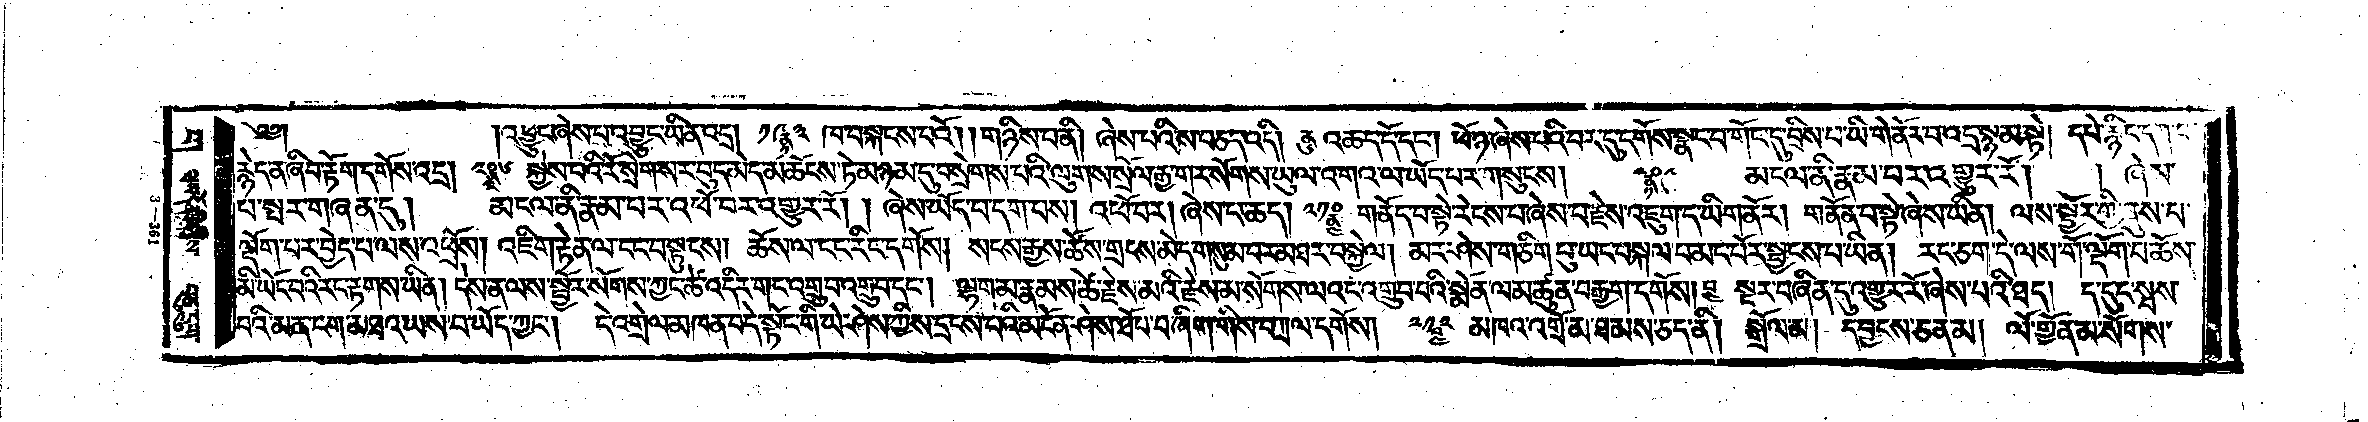༄༅། །འཕྱུང་ཞེས་པ་འབྱུང་ཡིན་འདྲ། ༡༩ན༡༣་ཁ་བསྐངས་པའོ། །གཉིས་པ་ནི། ཞེས་པའི་ས་བཅད་འདི། ན༦་འཆད་དོ་དང་། ཕོ་ཉ་ཞེས་པའི་བར་དུ་དགོས་སྣང་བ་གོང་དུ་བྲིས་པ་ཡི་གེ་ནོར་བ་འདྲ་སྙམ་སྟེ། དཔེ་རྙིང་དག་པ་
རྙེད་ན་ཞིབ་རྟོག་དགོས་འདྲ། ༢༠ན༣༦་སྐྱེས་བའི་རོ་སྲེག་སར་བུད་མེད་མཆོངས་ཏེ་མཉམ་དུ་བསྲེགས་པའི་ལུགས་སྲོལ་རྒྱ་གར་སོགས་ཡུལ་འགའ་ལ་ཡོད་པར་གསུངས། ༢༠ན༡༨་མངལ་ནི་རྣམ་པར་འགྱུར་རོ། །ཞེས་
པ་སྤར་གཞན་དུ། མངལ་ནི་རྣམ་པར་འཕོ་བར་འགྱུར་རོ། །ཞེས་ཡོད་པ་དག་པས། འཕོ་བར། ཞེས་པ་ཆད། གནོད་པ་སྟེ་རེངས་པ་ཞེས་པ་རྗེས་འཇུག་ད་ཡིག་ནོར། གནོན་པ་སྟེ་ཞེས་ཡིན། ལས་སྦྱོར་གྱི་ནུས་པ་
ལྡོག་པར་བྱེད་པ་ལས་འཕྲོས། འཇིག་རྟེན་ལ་ངང་བ་སྟུངས། ཆོས་ལ་ངང་རིང་དགོས། སངས་རྒྱས་ཚོས་གྲངས་མེད་གསུམ་པར་མཐར་བསྐྱེལ། མར་ཤེས་གཅིག་པུ་ཡང་བསྐལ་བ་མང་པོར་སྦྱངས་པ་ཡིན། རང་ཅག་དེ་ལས་གོ་ལྡོག་པ་ཆོས་
མི་ཡོང་བའི་རང་རྟགས་ཡིན། དེས་ན་ལས་སྦྱོར་སོགས་ཀྱང་ཚེ་འདིར་གང་འགྲུབ་འགྲུབ་དང་། ལྷག་མ་རྣམས་ཚེ་རྗེས་མའི་རྗེས་མ་སོགས་ལའང་འགྲུབ་པའི་སྨོན་ལམ་ཚུན་བརྒྱག་དགོས། བ༤་སྔར་བཞིན་དུ་འགྱུར་རོ་ཞེས་པའི་ཐད། ད་དུང་སྦས་
བའི་མན་ངག་མཐའ་ཡས་བ་ཡོད་ཀྱང་། དེ་འགྲེལ་མཁན་བདེ་སྟོང་གི་ཡེ་ཤེས་ཀྱིས་དྲངས་པའི་མངོན་ཤེས་ཐོབ་བ་ཞིག་གིས་བཀྲལ་དགོས། ༢༡༢བ༤་མཁའ་འགྲོ་མ་ཐམས་ཅད་ནི། སྒྲོལ་མ། དབྱངས་ཅན་མ། ལོ་གྱོན་མ་སོགས་